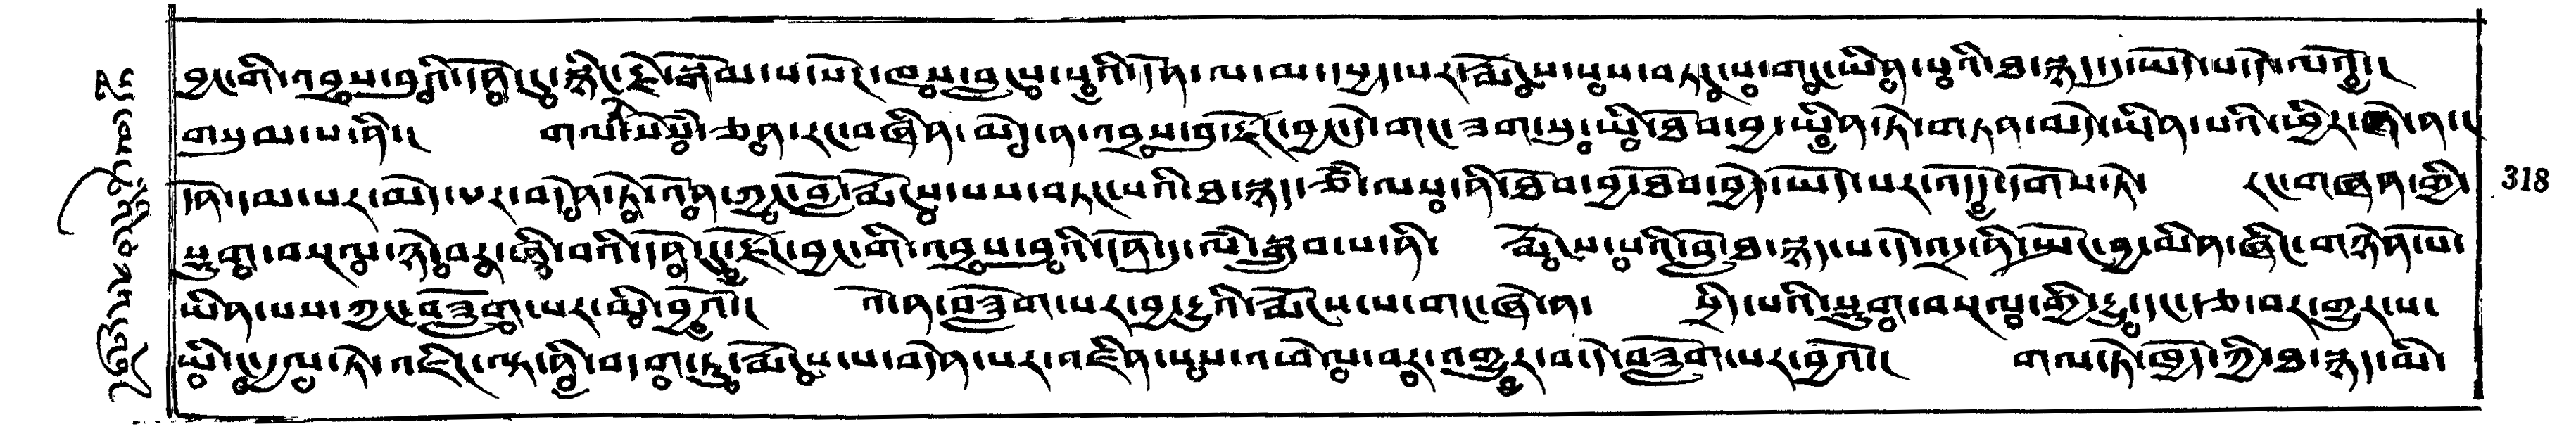བྱང་གི་འབྲས་བུའི་དོན་དུ་སྙིང་རྗེ་སྒོམ་པ་སོགས་ཁས་བླངས་པའི་དོན་ལ་མ་དཔྱད་པར་རྨོངས་པས་བཏགས་པ་གང་ཡིན་པའི་ཐ་སྙད་དུ་ཡོད་པ་དེ་ལའོ། 
གསུམ་པ་ནི། གལ་ཏེ་སེམས་ཅན་རང་བཞིན་མེད་ན་འབྲས་བུ་རྫོགས་བྱང་དེ་གང་ཟག་སུ་ཡི་ཐོབ་བྱ་ཡིན་ཏེ་གཏན་མེད་ཡིན་པའི་ཕྱིར་ཞེ་ན། 
དོན་དམ་པར་མེད་པར་བདེན་ཏེ་འོན་ཀྱང་བློ་རྨོངས་པས་བཏགས་པའི་ཐ་སྙད་ཙམ་ལས་ནི་འཐོབ་བྱ་ཐོབ་བྱེད་ཡོད་པར་འདོད་དགོས་ཏེ། རང་གཞན་གྱི་
སྡུག་བསྔལ་ཉེ་བར་ཞི་བའི་དོན་དུ་རྫོགས་བྱང་གི་འབྲས་བུའི་དོན་དུ་ལམ་སྒྲུབ་པ་ནི། རྨོངས་པའི་བློ་ཐ་སྙད་པ་དེ་འདྲ་ནི་སྤང་བྱ་མིན་ཞིང་གཉེན་པོ་
ཡིན་པས་ཀྱང་བཟློག་པར་མི་བྱའོ།། འོ་ན་བཟློག་པར་བྱ་རྒྱུའི་རྨོངས་པ་གང་ཞེ་ན། སྲིད་པའི་སྡུག་བསྔལ་གྱི་རྒྱུ་དང་རྩ་བར་གྱུར་པ་
ཡི་ང་རྒྱལ་ཏེ་འཇིག་ལྟ་ནི་བདག་ཏུ་རྨོངས་པ་བདེན་པར་འཛིན་པས་འཕེལ་བར་འགྱུར་བ་དེ་བཟློག་པར་བྱའོ།། གལ་ཏེ་ཁྱོད་ཀྱི་ཐ་སྙད་མི་